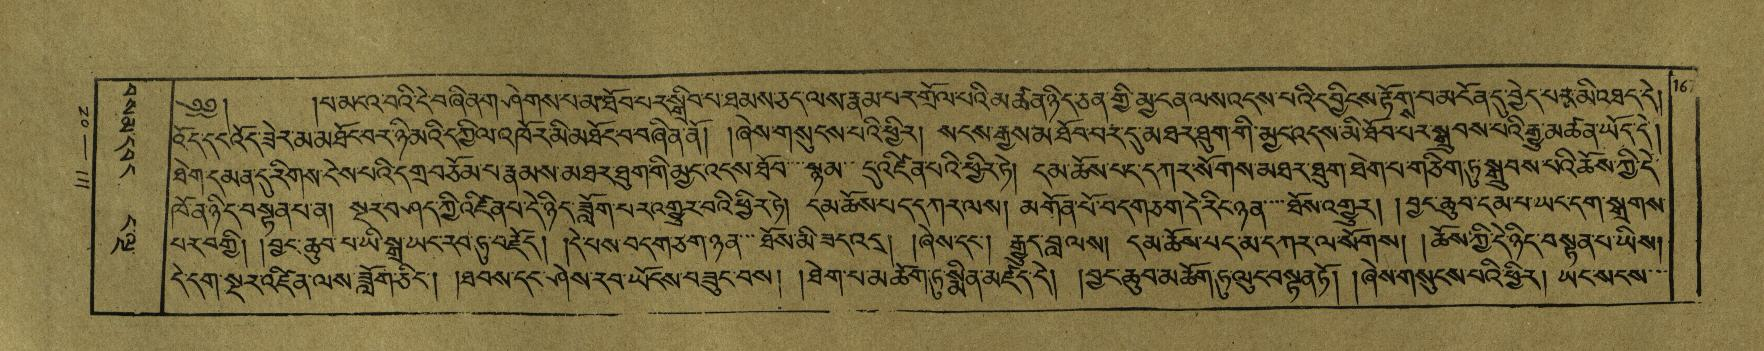༄༅། །པ་མངའ་བའི་དེ་བཞིན་གཤེགས་པ་མ་ཐོབ་པར་སྒྲིབ་པ་ཐམས་ཅད་ལས་རྣམ་པར་གྲོལ་པའི་མཚན་ཉིད་ཅན་གྱི་མྱ་ངན་ལས་འདས་པའི་དབྱིངས་རྟོགས་པ་མངོན་དུ་བྱེད་པར་མི་འཐད་དེ།
འོད་དང་འོད་ཟེར་མ་མཐོང་བར་ཉི་མའི་དཀྱིལ་འཁོར་མི་མཐོང་བ་བཞིན་ནོ། །ཞེས་གསུངས་པའི་ཕྱིར། སངས་རྒྱས་མ་ཐོབ་པར་དུ་མཐར་ཐུག་གི་མྱང་འདས་མི་ཐོབ་པར་སྒྲུབས་པའི་རྒྱུ་མཚན་ཡོད་དེ།
ཐེག་དམན་དུ་རིགས་ངེས་པའི་དགྲ་བཅོམ་པ་རྣམས་མཐར་ཐུག་གི་མྱང་འདས་ཐོབ་སྙམ་དུ་འཛིན་པའི་ཕྱིར་ཏེ། དམ་ཆོས་པད་དཀར་སོགས་མཐར་ཐུག་ཐེག་པ་གཅིག་ཏུ་སྒྲུབས་པའི་ཆོས་ཀྱི་དེ་
ཁོ་ན་ཉིད་བསྟན་པ་ན། སྔར་བཤད་ཀྱི་འཛིན་པ་དེ་ཉིད་ཟློག་པར་འགྱུར་བའི་ཕྱིར་ཏེ། དམ་ཆོས་པད་དཀར་ལས། མགོན་པོ་བདག་ཅག་དེ་རིང་ཉན་ཐོས་འགྱུར། །བྱང་ཆུབ་དམ་པ་ཡང་དག་སྒྲགས་
པར་བགྱི། །བྱང་ཆུབ་པ་ཡི་སྒྲ་ཡང་རབ་ཏུ་བརྗོད། །དེ་པས་བདག་ཅག་ཉན་ཐོས་མི་ཟད་འདྲ། །ཞེས་དང་། རྒྱུད་བླ་ལས། དམ་ཆོས་པད་མ་དཀར་ལ་སོགས། །ཆོས་ཀྱི་དེ་ཉིད་བསྟན་པ་ཡིས།
དེ་དག་སྔར་འཛིན་ལས་ཟློག་ཅིང་། །ཐབས་དང་ཤེས་རབ་ཡོངས་བཟུང་བས། །ཐེག་པ་མཆོག་ཏུ་སྨིན་མཛད་དེ། །བྱང་ཆུབ་མཆོག་ཏུ་ལུང་བསྟན་ཏོ། །ཞེས་གསུངས་པའི་ཕྱིར། ཡང་སངས་